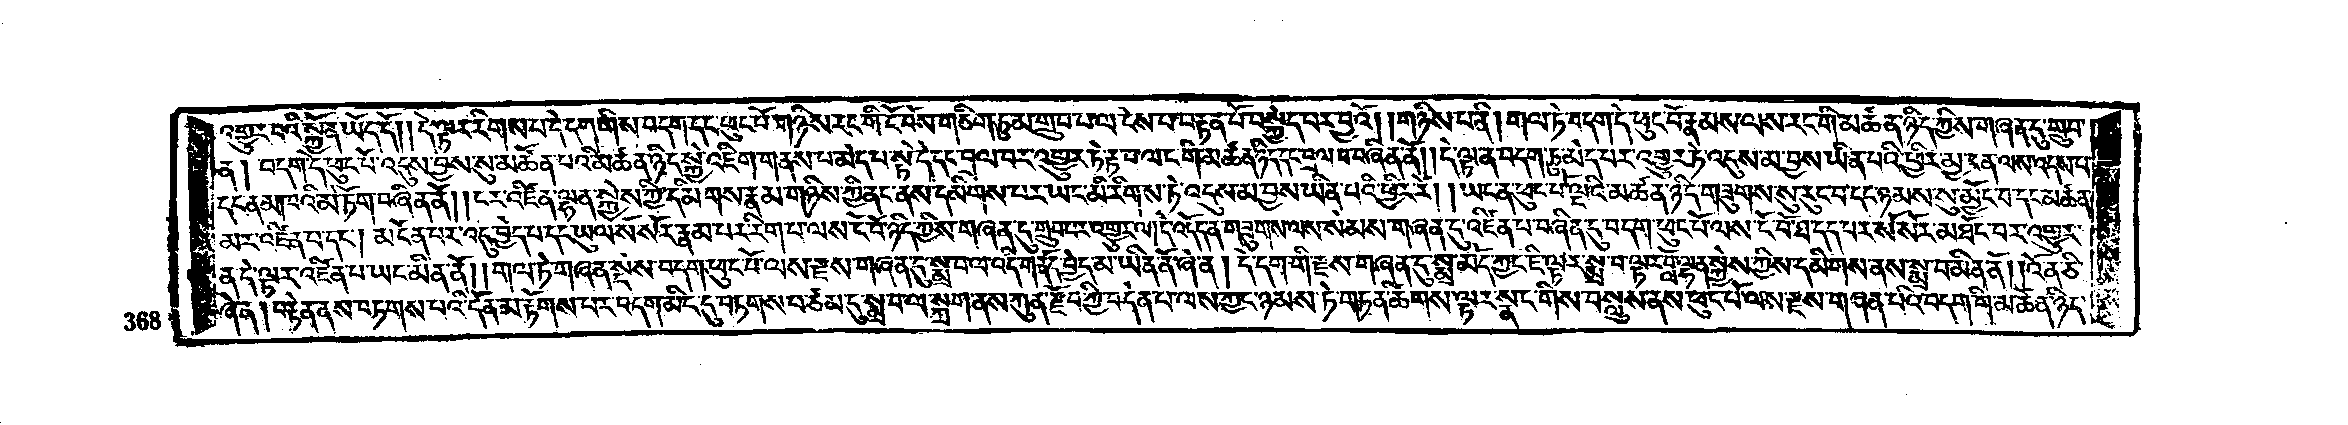འགྱུར་བའི་སྐྱོན་ཡོད་དོ། །དེ་ལྟར་རིགས་པ་དེ་དག་གིས་བདག་དང་ཕུང་པོ་གཉིས་རང་གི་ངོ་བོས་གཅིག་ཏུ་མ་གྲུབ་པ་ལ་ངེས་པ་བརྟན་པོ་བསྐྱེད་པར་བྱའོ། །གཉིས་པ་ནི། གལ་ཏེ་བདག་དེ་ཕུང་པོ་རྣམས་ལས་རང་གི་མཚན་ཉིད་ཀྱིས་གཞན་དུ་གྲུབ་
ན། བདག་དེ་ཕུང་པོ་འདུས་བྱས་སུ་མཚོན་པའི་མཚན་ཉིད་སྐྱེ་འཇིག་གནས་པ་མེད་པ་སྟེ་དེ་དང་བྲལ་བར་འགྱུར་ཏེ་རྟ་བ་ལང་གི་མཚན་ཉིད་དང་བྲལ་བ་བཞིན་ནོ། །དེ་ལྟ་ན་བདག་ཏུ་མེད་པར་འགྱུར་ཏེ་འདུས་མ་བྱས་ཡིན་པའི་ཕྱིར་མྱ་ངན་ལས་འདས་པ་
དང་ནམཁའི་མེ་ཏོག་བཞིན་ནོ། །ངར་འཛིན་ལྷན་སྐྱེས་ཀྱི་དམིགས་རྣམ་གཉིས་ཀྱི་ནང་ནས་དམིགས་པར་ཡང་མི་རིགས་ཏེ་འདུས་མ་བྱས་ཡིན་པའི་ཕྱིར་རོ། །ཡང་ན་ཕུང་པོ་ལྔའི་མཚན་ཉིད་གཟུགས་སུ་རུང་བ་དང་ཉམས་སུ་མྱོང་བ་དང་མཚན་
མར་འཛིན་པ་དང་། མངོན་པར་འདུ་བྱེད་པ་དང་ཡུལ་སོ་སོར་རྣམ་པར་རིག་པ་ལས་ངོ་བོ་ཉིད་ཀྱིས་གཞན་དུ་གྲུབ་པར་འགྱུར་ལ། དེ་འདོད་ན་གཟུགས་ལས་སེམས་གཞན་དུ་འཛིན་པ་བཞིན་དུ་བདག་ཕུང་པོ་ལས་ངོ་བོ་ཐ་དད་པར་སོ་སོར་མཐོང་བར་འགྱུར་
ན་དེ་ལྟར་འཛིན་པ་ཡང་མིན་ནོ། །གལ་ཏེ་གཞན་སྡོས་བདག་ཕུང་པོ་ལས་རྫས་གཞན་དུ་སྨྲ་བ་ལ་འདི་གནོད་བྱེད་མ་ཡིན་ནོ་ཞེ་ན། དེ་དག་གི་རྫས་གཞན་དུ་སྨྲ་མོད་ཀྱང་ཇི་ལྟར་སྨྲ་བ་ལྟར་བློ་ལྷན་སྐྱེས་ཀྱིས་དམིགས་ནས་སྨྲ་བ་མིན་ནོ། །འོ་ན་ཅི་
ཞེ་ན། བརྟེན་ནས་བཏགས་པའི་དོན་མ་རྟོགས་པར་བདག་མིང་དུ་བཏགས་པ་ཙམ་དུ་སྨྲ་བ་ལ་སྐྲག་ནས་ཀུན་རྫོབ་ཀྱི་བདེན་པ་ལས་ཀྱང་ཉམས་ཏེ་གཏན་ཚིགས་ལྟར་སྣང་གིས་བསླུས་ནས་ཕུང་པོ་ལས་རྫས་གཞན་པའི་བདག་གི་མཚན་ཉིད་